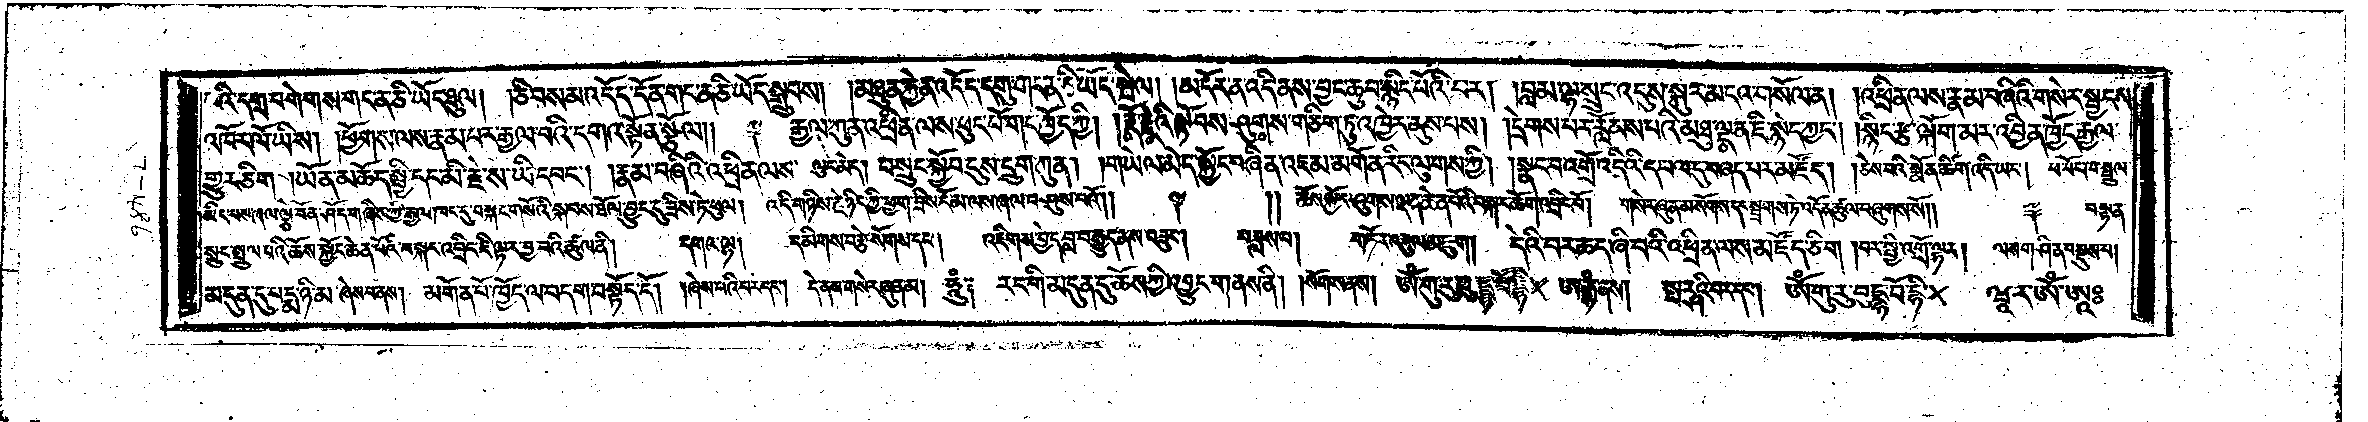པའི་དགྲ་བགེགས་གང་ན་ཅི་ཡོད་ཐུལ། །ཅི་བསམ་འདོད་དོན་གང་ན་ཅི་ཡོད་སྒྲུབས། །མཐུན་རྐྱེན་འདོད་དགུ་གང་ན་ཅི་ཡོད་སྤེལ། །མདོར་ན་འདི་ནས་བྱང་ཆུབ་སྙིང་པོའི་བར། །བླ་མ་ལྷ་སྲུང་འདུས་སྐུར་མངའ་གསོལ་ན། །འཕྲིན་ལས་རྣམ་བཞིའི་གསེར་སྦྱངས་
འཁོར་ལོ་ཡིས། །ཕྱོགས་ལས་རྣམ་པར་རྒྱལ་བའི་དགའ་སྟོན་སྩོལ།། ༈ རྒྱལ་ལུང་མེད།  ཀུན་འཕྲིན་ལས་ཕུང་པོ་གང་ཁྱོད་ཀྱི། །རྡོ྾་རྗེའི྾་སྟོབས་ཤུགས྾་གཅིག་ཏུ་འཁྱེར་ནུས་པས། །དྲེགས་བར་རློམས་པའི་མཐུ་ལྡན྾་ཇི་སྙེད་ཀྱང་། །སྙིང་རྩ་ལྐོག་མར་འབྱིན་ཁྱོད་རྒྱལ་
གྱུར་ཅིག །ཡོན་མཆོད་སྤྱི་དང་མི་རྗེ་ས་ཡི་དབང་། །རྣམ་བཞིའི་འཕྲིན་ལས་བསྲུང་སྐྱོབ་དུས་དུག་ཀུན། །གཡེལ་མེད་སྐྱོང་བཞིན་འཇམ་མགོན་རིང་ལུགས་ཀྱི། །སྣང་བ་འགྲོ་འདིའི་དཔལ་དུ་བཞད་པར་མཛོད། །ཅེས་བའི་སྨོན་ཚིག་འདི་ཡང་། ཕ་བོང་ཁ་སྤྲུལ་
མིང་པས་ཞལ་ལྕེ་བོན་ཤོད་གཞིས་ཀྱི་རྒྱལ་ཁང་དུ་བསྐང་གསོའི་སྐབས་ཐོལ་བྱུང་དུ་བྲིས་ཏེ་ཕུལ། འདི་གཉིས་རྗེ་ཉིད་ཀྱི་ཕྱག་བྲིས་ངོམ་ལས་ཞལ་བཤུས་པའོ།། ༈ །།ཆོས་སྐྱོང་ཤུགས་ལྡན་ཆེན་པོའི་བསྐང་ཆོག་འབྲིང་བོ། གསེར་ཞུན་མ་སོགས་དང་སྦྲགས་ཏེ་འདོན་ཚུལ་བཞུགས་སོ།། ༈ བསྟན་
སྲུང་སྤྲུལ་པའི་ཆོས་སྐྱོང་ཆེན་པོའི་བསྐང་འབྲིང་ཇི་ལྟར་བྱ་བའི་ཚུལ་ནི། དགའ་ལྷ། དམིགས་བརྩེ་སོགས་དང་། འཇིགས་བྱེད་བླ་བརྒྱུད་ནས་བཟུང་། བཟླས་པ། གཏོར་འབུལ་མཇུག། དེའི་བར་ཆད་ཞི་བའི་འཕྲིན་ལས་མཛོད་ཅིག་།བར་སྤྱི་འགྲོ་ལྟར། ལས་གཤིན་བསྒྲུས་བ།
མདུན་དུ་པདམ་ཉི་མ་ཞེས་བ་ནས།  མགོན་པོ་ཁྱོད་ལ་བདག་བསྟོད་དོ། །ཞེས་པའི་བར་དང་། དེ་ནས་གསེར་ཞུན་མ།  ཧཱུཾ༑ རང་གི་མདུན་དུ་ཆོས་ཀྱི་འབྱུང་གནས་ནི། །སོགས་ནས།  ཨོཾ་གུ་རུ་བུདྡྷ་བོདྷི་྾་ཨརྒྷཾ་ནས། སྤརཤའི་བར་དང་།  ཨོཾ་གུ་རུ་བུདྡྷ་བོ་དྷི་྾་ཝཱར་ཨོཾ་ཨཱཿ